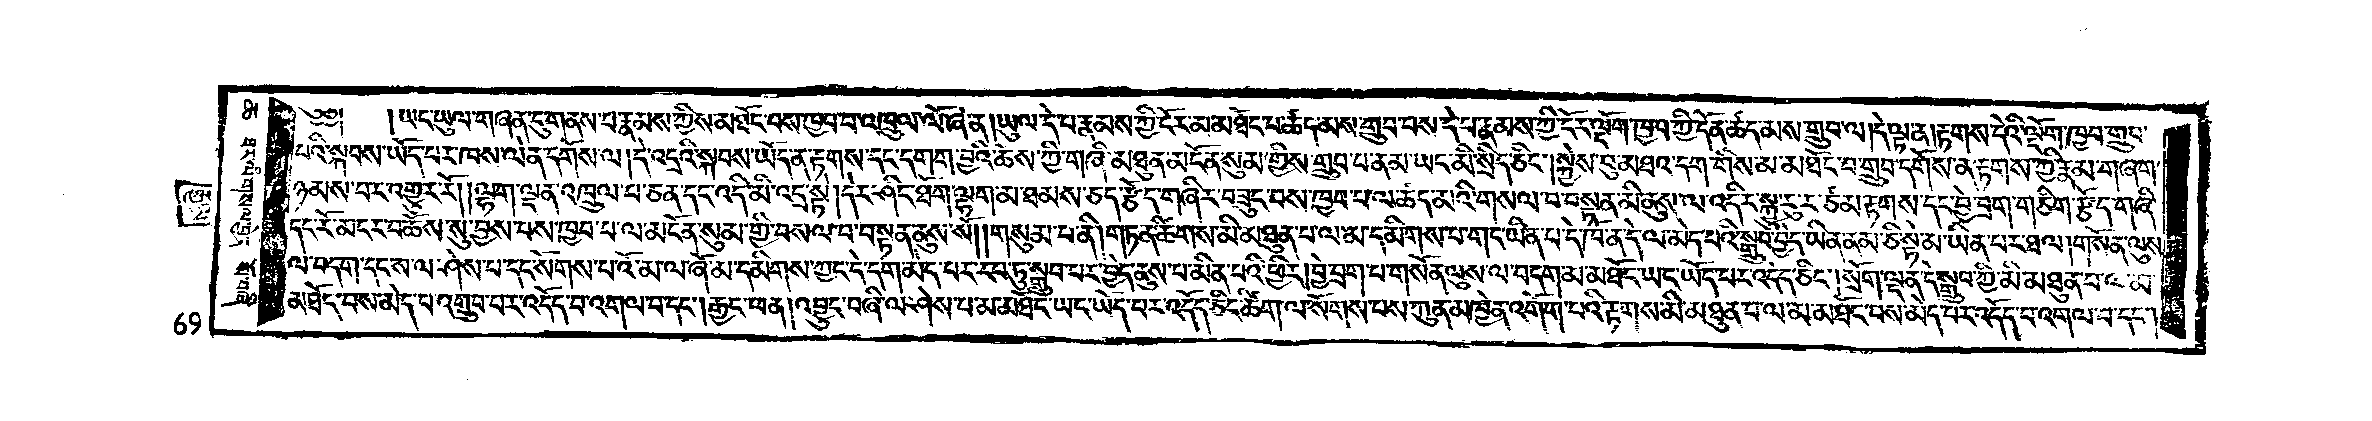༄༅། །ཡང་ཡུལ་གཞན་དུ་གནས་པ་རྣམས་ཀྱིས་མཐོང་བས་ཁྱབ་པ་འཁྲུལ་ལོ་ཞེ་ན། ཡུལ་དེ་པ་རྣམས་ཀྱི་ངོར་མ་མཐོང་པ་ཚད་མས་གྲུབ་པས་དེ་པ་རྣམས་ཀྱི་ངོར་ལྡོག་ཁྱབ་ཀྱི་དོན་ཚད་མས་གྲུབ་ལ། དེ་ལྟ་ན། རྟགས་དེའི་ལྡོག་ཁྱབ་གྲུབ་
པའི་སྐབས་ཡོད་པར་ཁས་ལེན་དགོས་ལ། དེ་འདྲའི་སྐབས་ཡོད་ན་རྟགས་དང་དགག་བྱའི་ཆོས་ཀྱི་གཞི་མཐུན་མངོན་སུམ་གྱིས་གྲུབ་པ་ནམ་ཡང་མི་སྲིད་ཅིང་། སྐྱེས་བུ་མཐའ་དག་གིས་མ་མཐོང་བ་གྲུབ་དགོས་ན་རྟགས་ཀྱི་རྣམ་གཞག་
ཉམས་པར་འགྱུར་རོ། །ལྷག་ལྡན་འཁྲུལ་པ་ཅན་དང་འདི་མི་འདྲ་སྟེ། དེར་ཤིང་ཐོག་ལྷག་མ་ཐམས་ཅད་རྩོད་གཞིར་བཟུང་བས་ཁྱབ་པ་ལ་ཚད་མའི་གསལ་བ་བསྟན་མི་ནུས་ལ་འདིར་སྐྱུ་རུ་ར་ཙམ་རྟགས་དང་བྱེ་བྲག་གཅིག་རྩོད་གཞི་
དང་རོ་མངར་བ་ཆོས་སུ་བྱས་པས་ཁྱབ་པ་ལ་མངོན་སུམ་གྱི་བསལ་བ་བསྟན་ནུས་སོ། །གསུམ་པ་ནི། གཏན་ཚིགས་མི་མཐུན་པ་ལ་མ་དམིགས་པ་གང་ཡིན་པ་དེ་ཁོ་ན་དེ་ལ་མེད་པའི་སྒྲུབ་བྱེད་ཡིན་ནམ་ཅི་སྟེ་མ་ཡིན་པར་ཐལ། གསོན་ལུས་
ལ་བདག་དང་ས་ལ་ཤེས་པ་དང་སོགས་པ་འོ་མ་ལ་ཞོ་མ་དམིགས་ཀྱང་དེ་དག་མེད་པར་རབ་ཏུ་སྒྲུབ་པར་བྱེད་ནུས་པ་མིན་པའི་ཕྱིར། བྱེ་བྲག་པ་གསོན་ལུས་ལ་བདག་མ་མཐོང་ཡང་ཡོད་པར་འདོད་ཅིང་། སྲོག་ལྡན་དེ་སྒྲུབ་ཀྱི་མི་མཐུན་པ་ལ་མ་
མཐོང་བས་མེད་པ་འགྲུབ་པར་འདོད་པ་འགལ་བ་དང་། རྒྱང་ཕན། འབྱུང་བཞི་ལ་ཤེས་པ་མ་མཐོང་ཡང་ཡོད་པར་འདོད་ཅིང་ཚིག་ལ་སོགས་པས་ཀུན་མཁྱེན་འགོག་པའི་རྟགས་མི་མཐུན་པ་ལ་མ་མཐོང་བས་མེད་པར་འདོད་པ་འགལ་བ་དང་།